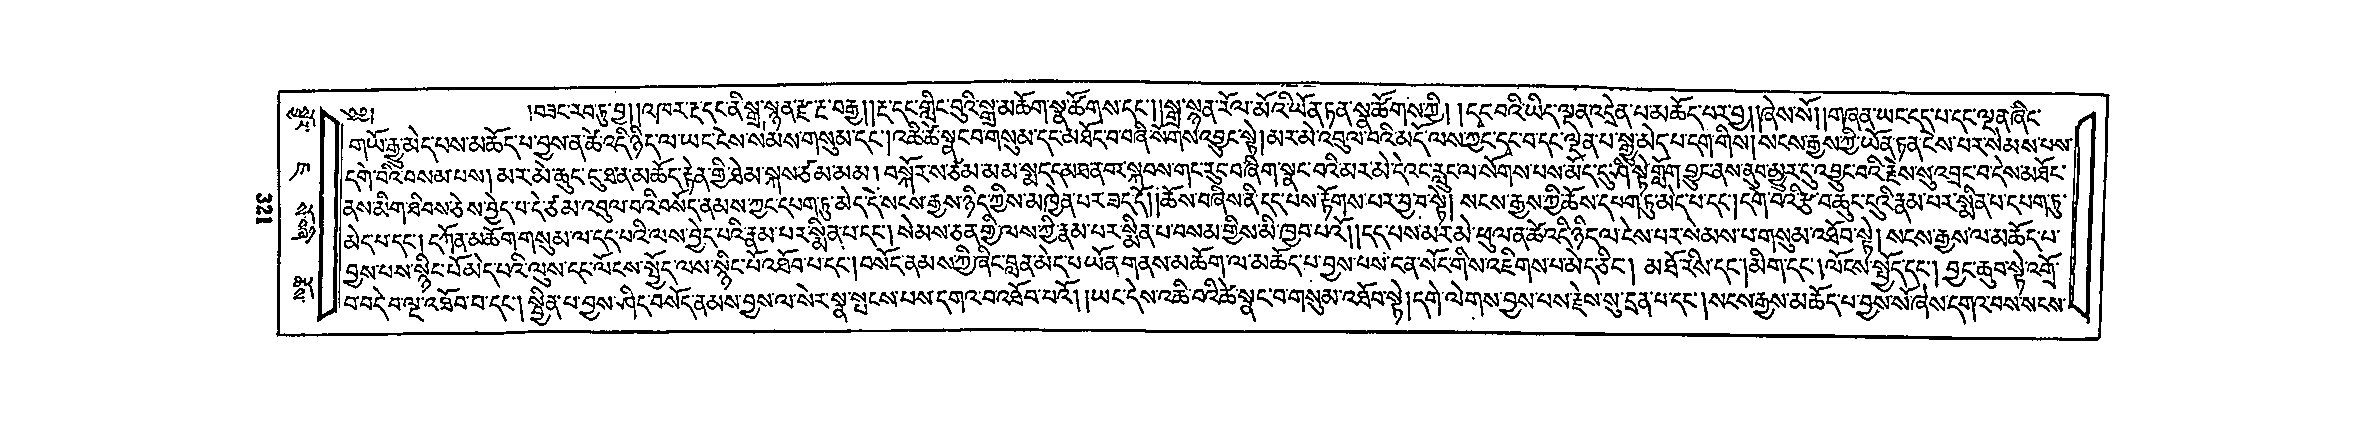༄༅། །བཟང་རབ་ཏུ་བྱ། །འཁར་རྔ་དང་ནི་སྒྲ་སྙན་རྫ་རྔ་བརྒྱ། །རྔ་དང་གླིང་བུའི་སྒྲ་མཆོག་སྣ་ཚོགས་དང་། །སྒྲ་སྙན་རོལ་མོའི་ཡོན་ཏན་སྣ་ཚོགས་ཀྱི། །དྭང་བའི་ཡིད་ལྡན་འདྲེན་པ་མཆོད་པར་བྱ། །ཞེས་སོ། །གཞན་ཡང་དད་པ་དང་ལྡན་ཞིང་
གཡོ་རྒྱུ་མེད་པས་མཆོད་པ་བྱས་ན་ཚེ་འདི་ཉིད་ལ་ཡང་ངེས་སེམས་གསུམ་དང་། འཆི་ཚེ་སྣང་བ་གསུམ་དང་མཐོང་བ་བཞི་སོགས་འབྱུང་སྟེ། མར་མེ་འབུལ་བའི་མདོ་ལས་ཀྱང་དྭང་བ་དང་ལྡན་པ་སྒྱུ་མེད་པ་དག་གིས། སངས་རྒྱས་ཀྱི་ཡོན་ཏན་ངེས་པར་སེམས་པས་
དགེ་བའི་བསམ་པས། མར་མེ་ཆུང་ངུ་ཐ་ན་མཆོད་རྟེན་གྱི་ཐེམ་སྐས་ཙམ་མམ། བསྐོར་ས་ཙམ་མམ་སྨད་དམ་ཐ་ན་བར་སྐབས་གང་རུང་བ་ཞིག་སྣང་བའི་མར་མེ་དེའང་རླུང་ལ་སོགས་པས་མོད་དུ་ཤི་སྟེ་གློག་བྱུང་ནས་ནུབ་མྱུར་དུ་འབྱུང་བའི་རྗེས་སུ་འབྲང་བ་དེས་མཐོང་
ནས་མིག་ཐིབས་ཅེས་བྱེད་པ་དེ་ཙམ་འབུལ་བའི་བསོད་ནམས་ཀྱང་དཔག་ཏུ་མེད་དེ་སངས་རྒྱས་ཉིད་ཀྱིས་མཁྱེན་པར་ཟད་དོ། །ཆོས་བཞིས་ནི་དད་པས་རྟོགས་པར་བྱ་བ་སྟེ། སངས་རྒྱས་ཀྱི་ཆོས་དཔག་ཏུ་མེད་པ་དང་། དགེ་བའི་རྩ་བ་ཆུང་ངུའི་རྣམ་པར་སྨིན་པ་དཔག་ཏུ་
མེད་པ་དང་། དཀོན་མཆོག་གསུམ་ལ་དད་པའི་ལས་བྱེད་པའི་རྣམ་པར་སྨིན་པ་དང་། སེམས་ཅན་གྱི་ལས་ཀྱི་རྣམ་པར་སྨིན་པ་བསམ་གྱིས་མི་ཁྱབ་པའོ། །དད་པས་མར་མེ་ཕུལ་ན་ཚེ་འདི་ཉིད་ལ་ངེས་པར་སེམས་པ་གསུམ་འཐོབ་སྟེ། སངས་རྒྱས་ལ་མཆོད་པ་
བྱས་པས་སྙིང་པོ་མེད་པའི་ལུས་དང་ལོངས་སྤྱོད་ལས་སྙིང་པོ་འཐོབ་པ་དང་། བསོད་ནམས་ཀྱི་ཞིང་བླ་ན་མེད་པ་ཡོན་གནས་མཆོག་ལ་མཆོད་པ་བྱས་པས་ངན་སོང་གིས་འཇིགས་པ་མེད་ཅིང་། མཐོ་རིས་དང་། མིག་དང་། ལོངས་སྤྱོད་དང་། བྱང་ཆུབ་སྟེ་འགྲོ་
བ་བདེ་བ་ལྔ་འཐོབ་པ་དང་། སྦྱིན་པ་བྱས་ཤིང་བསོད་ནམས་བྱས་ལ་སེར་སྣ་སྤངས་པས་དགའ་བ་འཐོབ་པའོ། །ཡང་དེས་འཆི་བའི་ཚེ་སྣང་བ་གསུམ་འཐོབ་སྟེ། དགེ་ལེགས་བྱས་པས་རྗེས་སུ་དྲན་པ་དང་། སངས་རྒྱས་མཆོད་པ་བྱས་སོ་ཞེས་དགའ་བས་སངས་